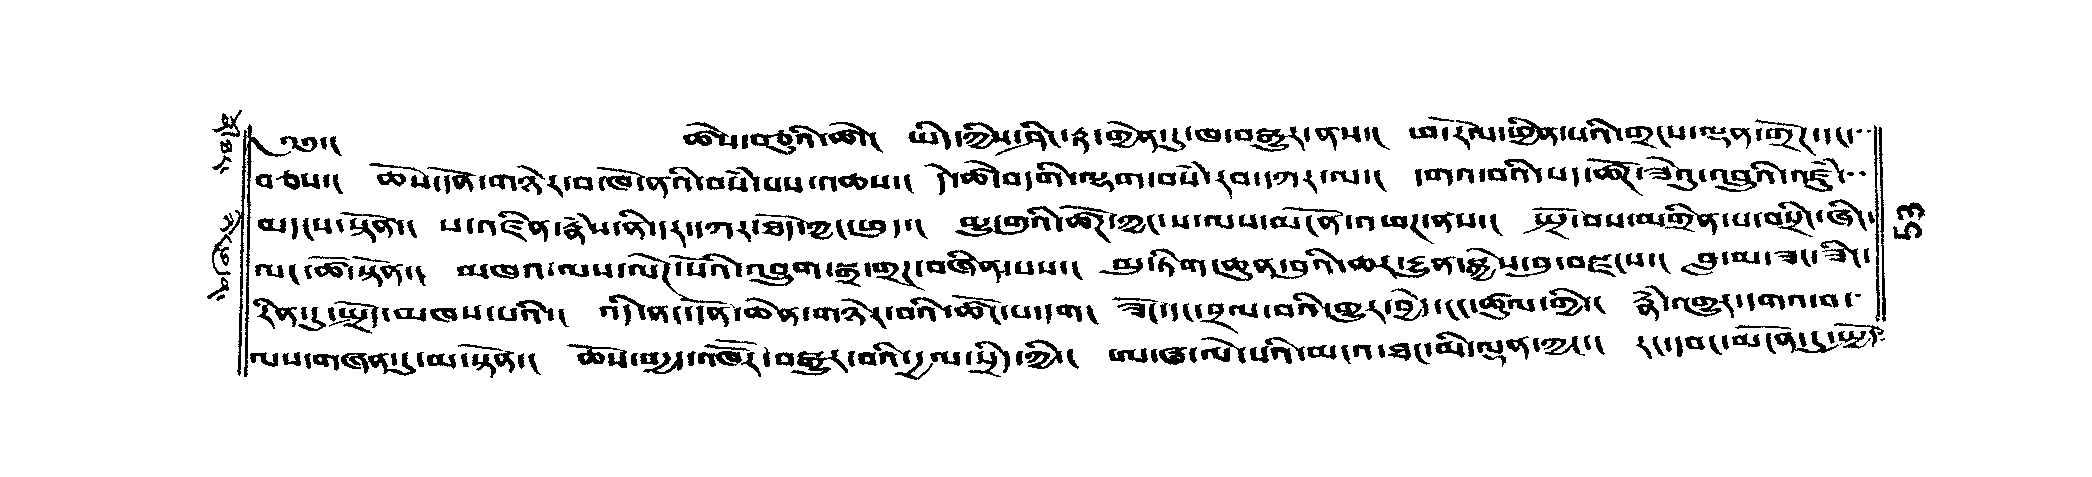ཚེས་བཅུའི་ཚེ། །ཡིད་ཀྱིས་ཤིང་རྟ་གྱེན་དུ་ཁ་བསྒྱུར་ནས། །ཕ་རོལ་ཕྱིན་པའི་གྲངས་ལྡན་གྲོགས་དང་
བཅས། །ཆོས་དོན་གཉེར་བ་ཁོ་ནའི་བསམ་པས་ཆས། །དེ་ཚེ་བདག་གི་ལྷག་བསམ་རབ་དཀར་ལ། །དགའ་བའི་པད་ཚོགས་ཟེའུ་འབྲུའི་འཛུམ་
མདངས་སྟོན། །ས་འཛིན་རྣམས་ནི་དར་དཀར་ཐོད་ཀྱང་ཕུད། །མྱུ་གུའི་ཚོགས་ཀྱང་ས་ལས་མངོན་འཕགས་ནས། །སྤྲོ་བས་མགྲིན་པ་བསྲིང་ཞིང་
ལང་ཚོ་སྟོན། །མཁའ་ལས་ལེགས་སོའི་འབྲུག་སྒྲ་གྲགས་བཞིན་པས། །མུ་ཏིག་ཆུན་བུའི་ཆར་རྒྱུན་སྐྱེས་སུ་བརྫངས། །བླ་མ་ཟང་ཟིང་
རིན་དུ་སྤྲོད་མཁས་པའི། །འདི་ནང་དོན་ཆེན་གཉེར་བའི་ཚོང་པ་དག ཟོང་དང་བྲལ་བའི་གྱུར་བྱེད་ངང་ཚུལ་གྱི། །རྣམ་འགྱུར་དགའ་བ་
ལས་གཞན་དུ་མ་སྟོན། །ཆོས་བརྒྱད་འཁོར་ལོ་བསྒྱུར་བའི་རྒྱལ་སྲིད་ཀྱི། །ཨ་ཝ་ལེ་པའི་མངའ་ཐང་མི་ལྡན་ཀྱང་། །རང་དབང་མངོན་དུ་སྤྱོད་